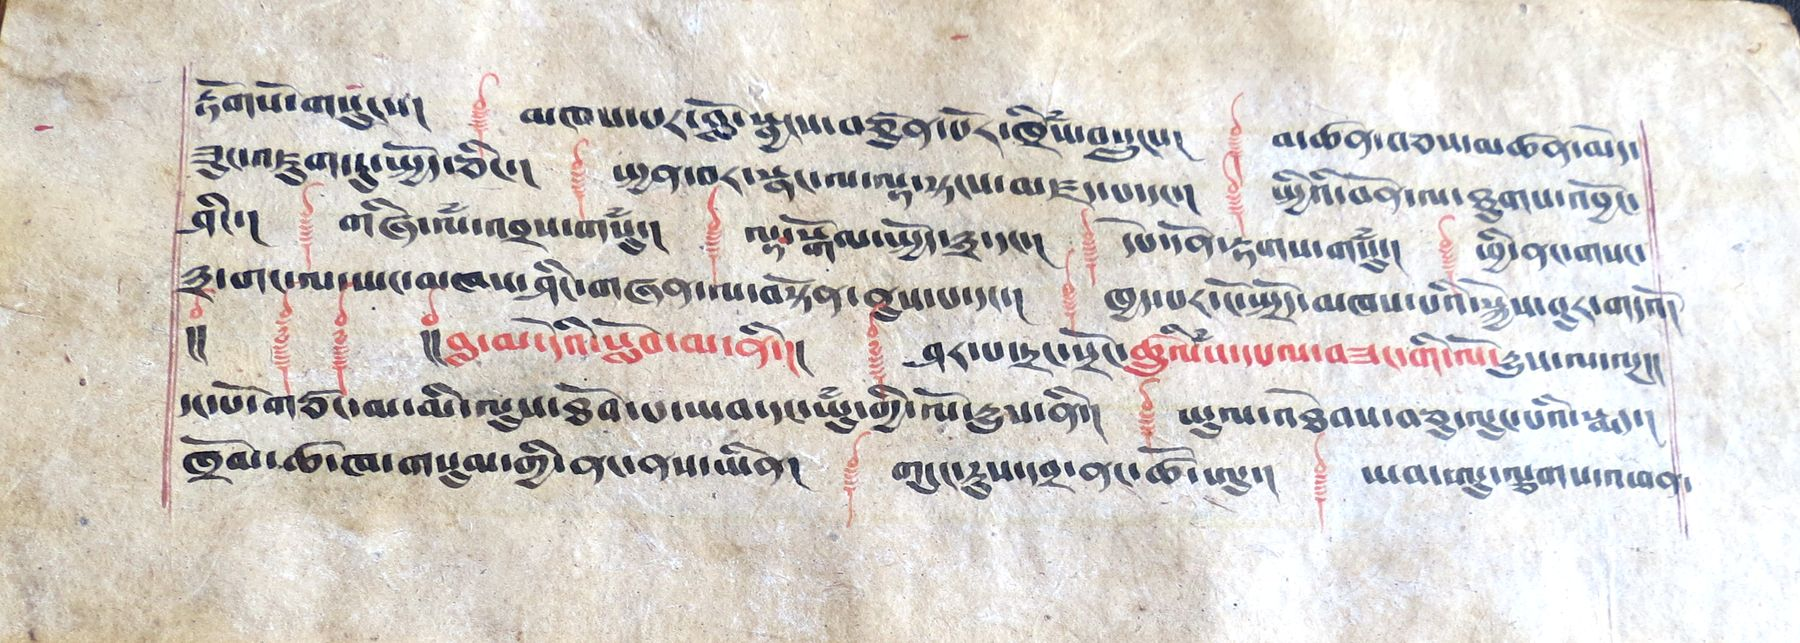རྟོགས་སོ་གསུངས། མཁས་པར་བློ་སྦྱངས། བཙུན་པར་ཁྲིམས་བསྲུངས། མཚན་བཅས་མཚན་མེད་
ཟུང་འཇུག་ཏུ་སྤྱོད་ཅིང་། སྤྱན་བར་སྣང་ལ་ལྟ་སྟངས་མཛད་པ་དང་། སྤྱི་ཡི་བོན་ལ་ཐུགས་འབྱོངས་
ཤིང་། གཞི་ལམ་འབྲས་གསུམ། ལྟ་སྒོམ་སྤྱོད་གསུམ་དང་། དཔེ་རྟགས་དོན་གསུམ། ཕྱི་ནང་གསང་
གསུམ། གང་ལ་ཡང་མཁས་ཤིང་། གཞན་ལ་ཡང་སྟོན་ནུས་པ་དང་། ཁྱད་པར་དུ་ཡང་ངོ་སྤྲོད་ལ་མཁས་པའི་སྐྱེས་བུར་གདའ་འོ། 
། བླ་མ་དེའི་སློབ་མ་ནི། ཤར་པ་དྲང་སྲོང་ཚུལ་ཁྲིམས་དཔལ་བཟང་གི་ལོ་རྒྱུས་ལ་ལྔ། 
དང་པོ་གཙང་མ་མི་ལུས་ཐོབ་པ་ཡབ་དང་ཡུམ་གྱི་ལོ་རྒྱུས་ནི། ཡུལ་ཐེབ་ཆུ་རོང་གི་སྙན་ལ། 
གདུང་རུས་དབྲ་ཡིན། ཡབ་དབྲ་རིགས་ཀྱི་སྲས་པོ་ལྕགས་འཕན།